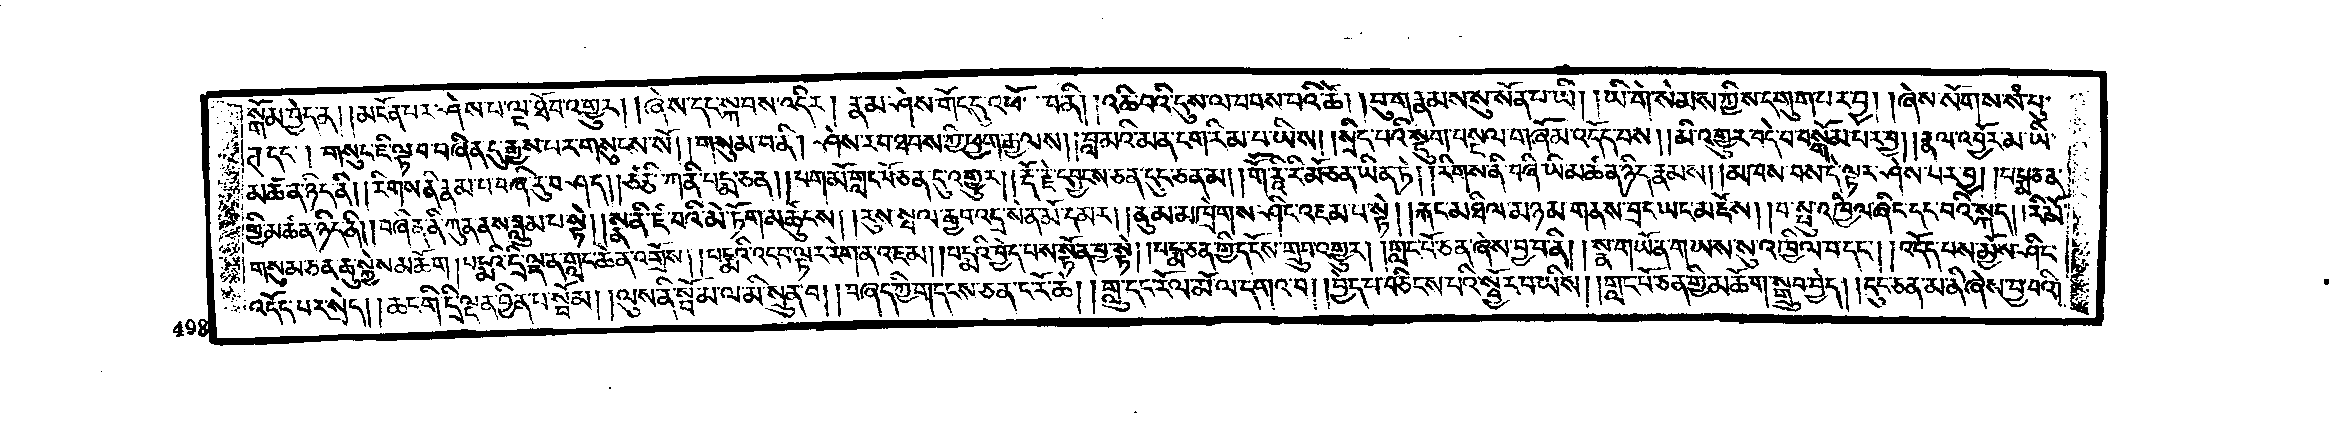སྒོམ་བྱེད་ན། །མངོན་པར་ཤེས་པ་ལྔ་ཐོབ་འགྱུར། །ཞེས་དང་སྐབས་འདིར། རྣམ་ཤེས་གོང་དུ་འཕོ་བ་ནི། །འཆི་བའི་དུས་ལ་བབས་པའི་ཚེ། །བུ་ག་རྣམས་སུ་སོན་པ་ཡི། །ཡི་གེ་སེམས་ཀྱིས་དགུག་པར་བྱ། །ཞེས་སོགས་སཾ་པུ་
ཊ་དང་། གསུང་ཇི་ལྟ་བ་བཞིན་དུ་རྒྱས་པར་གསུངས་སོ། །གསུམ་པ་ནི། ཤེས་རབ་ཐབས་ཀྱི་ཕྱག་རྒྱ་ལས། །བླ་མའི་མན་ངག་རིམ་པ་ཡིས། །སྲིད་པའི་སྡུག་བསྔལ་གཞོམ་འདོད་བས། །མི་འགྱུར་བདེ་བ་བསྒོམ་པར་བྱ། །རྣལ་འབྱོར་མ་ཡི་
མཚན་ཉིད་ནི། །རིགས་ནི་རྣམ་པ་བཞི་རུ་བཤད། །རྩ་རྩི་ཀ་ནི་པདམ་ཅན། །ཕག་མོ་གླང་པོ་ཅན་དུ་འགྱུར། །རྡོ་རྗེ་དབྱངས་ཅན་དུང་ཅན་མ། །གཽ་རཱི་རི་མོ་ཅན་ཡིན་ཏེ། །རིགས་ནི་བཞི་ཡི་མཚན་ཉིད་རྣམས། །མཁས་པས་དེ་ལྟར་ཤེས་པར་བྱ། །པདམ་ཅན་
གྱི་མཚན་ཉིད་ནི། །བཞིན་ནི་ཀུན་ནས་ཟླུམ་པ་སྟེ། །སྣ་ནི་ཛ་བའི་མེ་ཏོག་མཚུངས། །རུས་སྦལ་རྒྱབ་འདྲ་སེན་མོ་དམར། །ནུ་མ་མཁྲེགས་ཤིང་འཇམ་པ་སྟེ། །རྐང་མཐིལ་མཉམ་གནས་བྲང་ཡང་མཛེས། །བ་སྤུ་འཁྱིལ་ཞིང་དང་པའི་སྐད། །རི་མོ་
གསུམ་ཅན་ཆུ་སྐྱེས་མཆོག །པདམའི་དྲི་ལྡན་གླང་ཆེན་འགྲོས། །པདམའི་འདབ་ལྟར་རེག་ན་འཇམ། །པདམའི་བྱེད་པས་སྟོན་བྱ་སྟེ། །པདམ་ཅན་གྱི་དངོས་གྲུབ་འགྱུར། །གླང་པོ་ཅན་ཞེས་བྱ་བ་ནི། །སྣ་གཡོན་གཡས་སུ་འཁྱིལ་བ་དང་། །འདོད་པས་མྱོས་ཤིང་
འདོད་པར་སྲེད། །ཆང་གི་དྲི་ལྡན་བྱིན་པ་སྦོམ། །ལུས་ནི་སྦོམ་ལ་མི་སྲུན་པ། །བཞད་ཀྱི་གདངས་ཅན་ང་རོ་ཆེ། །གླུ་དང་རོལ་མོ་ལ་དགའ་བ། །བྱེད་པ་བཅིངས་པའི་སྦྱོར་བ་ཡིས། །གླང་པོ་ཅན་གྱི་མཆོག་སྒྲུབ་བྱེད། །དུང་ཅན་མ་ནི་ཞེས་བྱ་བའི། །